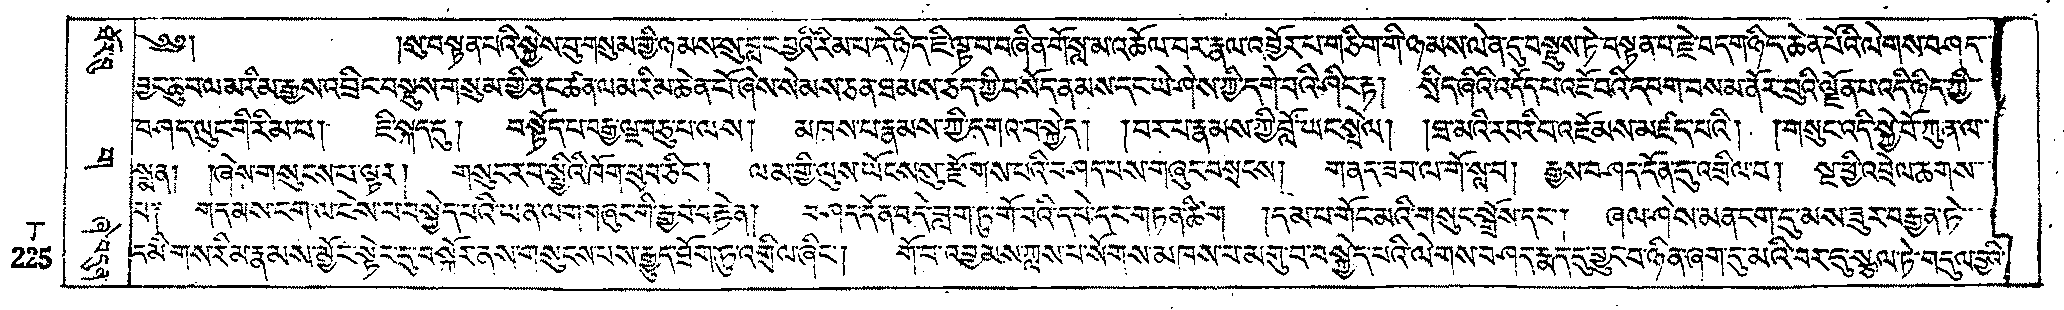༄༅། །སུ་བསྟན་པའི་སྐྱེས་བུ་གསུམ་གྱི་ཉམས་སུ་བླང་བྱའི་རིམ་པ་དེ་ཉིད་ཇི་ལྟ་བ་བཞིན་གོ་སླ་མ་འཆོལ་བར་རྣལ་འབྱོར་པ་གཅིག་གི་ཉམས་ལེན་དུ་བསྡུས་ཏེ་བསྟན་པ་རྗེ་བདག་ཉིད་ཆེན་པོའི་ལེགས་བཤད་་་
བྱང་ཆུབ་ལམ་རིམ་རྒྱས་འབྲིང་བསྡུས་གསུམ་གྱི་ནང་ཚན་ལམ་རིམ་ཆེན་པོ་ཞེས་སེམས་ཅན་ཐམས་ཅད་ཀྱི་བསོད་ནམས་དང་ཡེ་ཤེས་ཀྱི་དགེ་བའི་ཤིང་རྟ། སྲིད་ཞིའི་འདོད་པ་འཇོ་བའི་དཔག་བསམ་ནོར་བུའི་ལྗོན་པ་འདི་ཉིད་ཀྱི་་་
བཤད་ལུང་གི་རིམ་པ། ཇི་སྐད་དུ། བསྟོད་པ་བརྒྱ་ལྔ་བཅུ་པ་ལས། མཁས་པ་རྣམས་ཀྱི་དགའ་བ་སྐྱེད། །བར་པ་རྣམས་ཀྱི་བློ་ཡང་སྤེལ། །ཐ་མའི་རབ་རིབ་འཇོམས་མཛད་པའི། །གསུང་འདི་སྐྱེ་བོ་ཀུན་ལ་་་
སྨན། །ཞེས་གསུངས་པ་ལྟར། གསུང་རབ་སྤྱིའི་ཁོག་ཕུབ་ཅིང་། ལམ་གྱི་ལུས་ཡོངས་སུ་རྫོགས་པའི་བཤད་པས་གཞུང་བསྲངས། གནད་ཟབ་ལ་གོ་སླ་བ། རྒྱས་བཤད་དོན་དུ་འགྲིལ་བ། སྔ་ཕྱི་འབྲེལ་ཆགས་་་
པ༑ གདམས་ངག་ལ་ངེས་པ་བསྐྱེད་པའི་ཡན་ལག་གཞུང་གི་རྒྱབ་བརྟེན། བཤད་དོན་བདེ་བླག་ཏུ་གོ་བའི་དཔེ་དང་གཏན་ཚིག །དམ་པ་གོང་མའི་གསུང་སྒྲོས་དང་། ཞལ་ཤེས་མན་ངག་དུ་མས་ཟུར་བརྒྱན་ཏེ་་་
དམིགས་རིམ་རྣམས་མྱོང་སྟེང་དུ་བསྐོར་ནས་གསུངས་པས་རྒྱུད་ཐོག་ཏུ་འགྲིལ་ཞིང་། གོ་བ་འབྱམས་ཀླས་པ་སོགས་མཁས་པ་མགུ་བ་བསྐྱེད་པའི་ལེགས་བཤད་རྨད་དུ་བྱུང་བ་ཉིན་ཞག་དུ་མའི་བར་དུ་སྩལ་ཏེ་གདུལ་བྱའི་